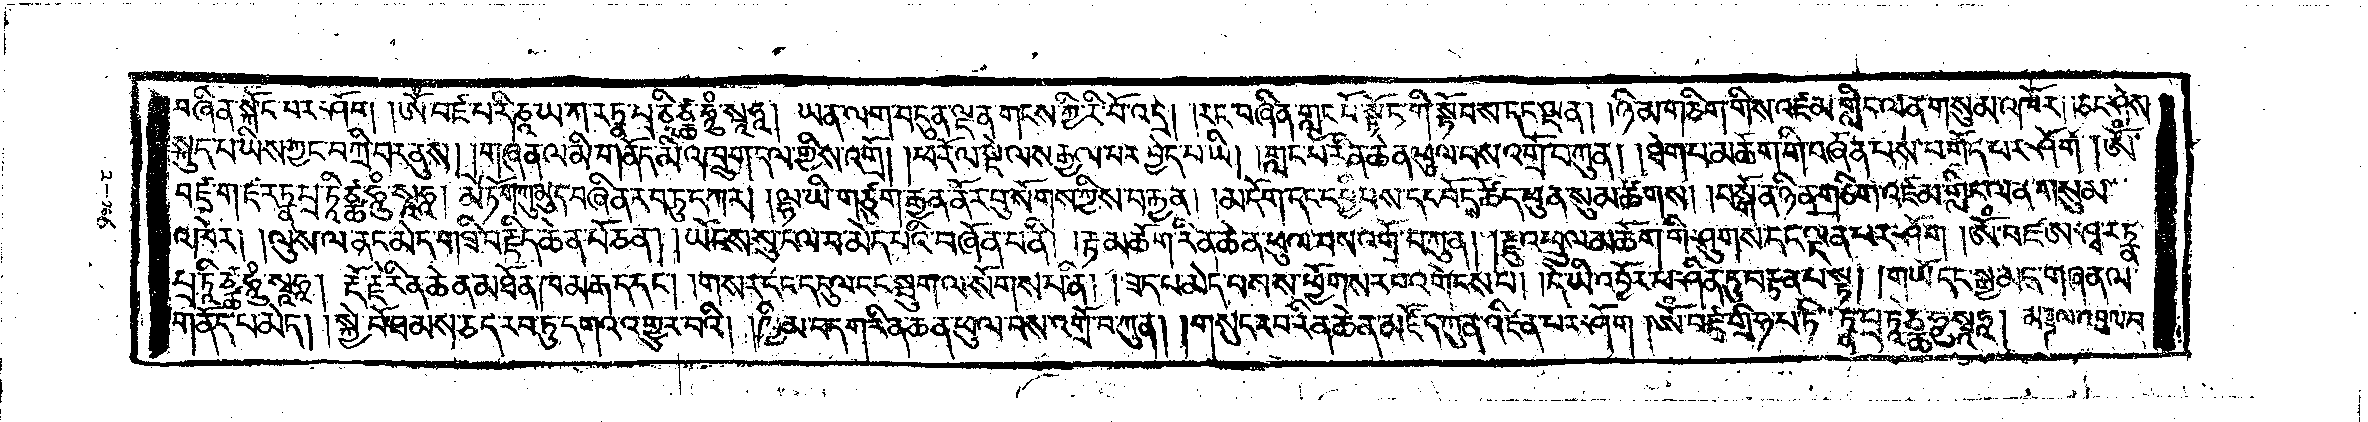བཞིན་སྐོང་པར་ཤོག །ཨོཾ་བཛྲ་པ་རིཎཱ་ཡ་ཀ་རཏྣ་པྲ་ཅིའི་ཙྪ་སྭཱཧཱ། ཡན་ལག་བདུན་ལྡན་གངས་ཀྱི་རི་བོ་འདྲེ། །རང་བཞིན་གླང་པོ་སྟོང་གི་སྟོབས་དང་ལྡན། ཉི་མ་གཅིག་གིས་འཛམ་གླིང་ལན་གསུམ་འཁོར། །ཅང་ཤེས་
སྐུད་པ་ཡིས་ཀྱང་བཀྲི་བར་ནུས། །གཞན་ལ་མི་གནོད་མི་འཁྲུག་དལ་གྱིས་འགྲོ། །ཕ་རོལ་སྡེ་ལས་རྒྱལ་བར་བྱེད་པ་ཡི། །གླང་པོ་རིན་ཆེན་ཕུལ་བས་འགྲོ་བ་ཀུན། །ཐེག་པ་མཆོག་གི་བཞོན་པས་བགྲོད་པར་ཤོག །ཨོཾ་
བཛྲ་ག་ཛ་རཏྣ་པྲ་ཏཱི་ཙྪ་ཧཱུཾ་སྭཱཧཱ། མེ་ཏོག་ཀུ་མུད་བཞིན་རབ་ཏུ་དཀར། །ལྷ་ཡི་གཙུག་རྒྱན་ནོར་བུ་སོགས་ཀྱིས་པ་རྒྱན། །མདོག་དང་དབྱིབས་དང་བོད་ཚོད་ཕུན་སུམ་ཚོགས། །བསྒོ་ན་ཉིན་གཅིག་འཛམ་གླིང་ལན་གསུམ་
འཁོར། །ལུས་ལ་ནང་མེད་གཟི་བརྗིད་ཆེན་པོ་ཅན། །ཡོངས་སུ་ངལ་བ་མེད་པའི་བཞོན་པ་ནི། །རྟ་མཆོག་རིན་ཆེན་ཕུལ་བས་འགྲོ་བ་ཀུན། །རྫུ་འཕྲུལ་མཆོག་གི་ཤུགས་དང་ལྡན་པར་ཤོག །ཨོཾ་བཛྲ་ཨ་ཤྭ་རཏྣ་
པྲ་ཏཱི་ཙྪ་ཧཱུཾ་སྭཱཧཱ། རྡོ་རྗེ་རིན་ཆེན་མཐོན་ཁམ་རྒྱད་དང་།གསར་དང་དངུལ་ངང་སྦུག་ལ་སོགས་པ་ནི། །ཟད་པ་མེད་བས་ས་ཕྱོགས་རབ་འགོངས་པ། །དེ་ཡི་འབྱོར་པ་ཤིན་ཏུ་བརྟན་པ་སྟེ། །གཡོ་དང་སྒྱུ་མེད་གཞན་ལ་
གནོད་པ་མེད། །སྐྱེ་བོ་ཐམས་ཅད་རབ་ཏུ་དགའ་འགྱུར་བའི། །ཁྱིམ་བདག་རིན་ཆེན་ཕུལ་བས་འགྲོ་བ་ཀུན། །གསུང་རབ་རིན་ཆེན་མཛོད་ཀུན་འཛིན་པར་ཤོག །ཨོམ་བཛྲ་གྲི་ཉ་པ་ཏི་རཏྣ་པྲ་ཏE་ཙྪ་ཧཱུཾ་སྭཱཧཱ། མཎྜལ་འབུལ་བ་